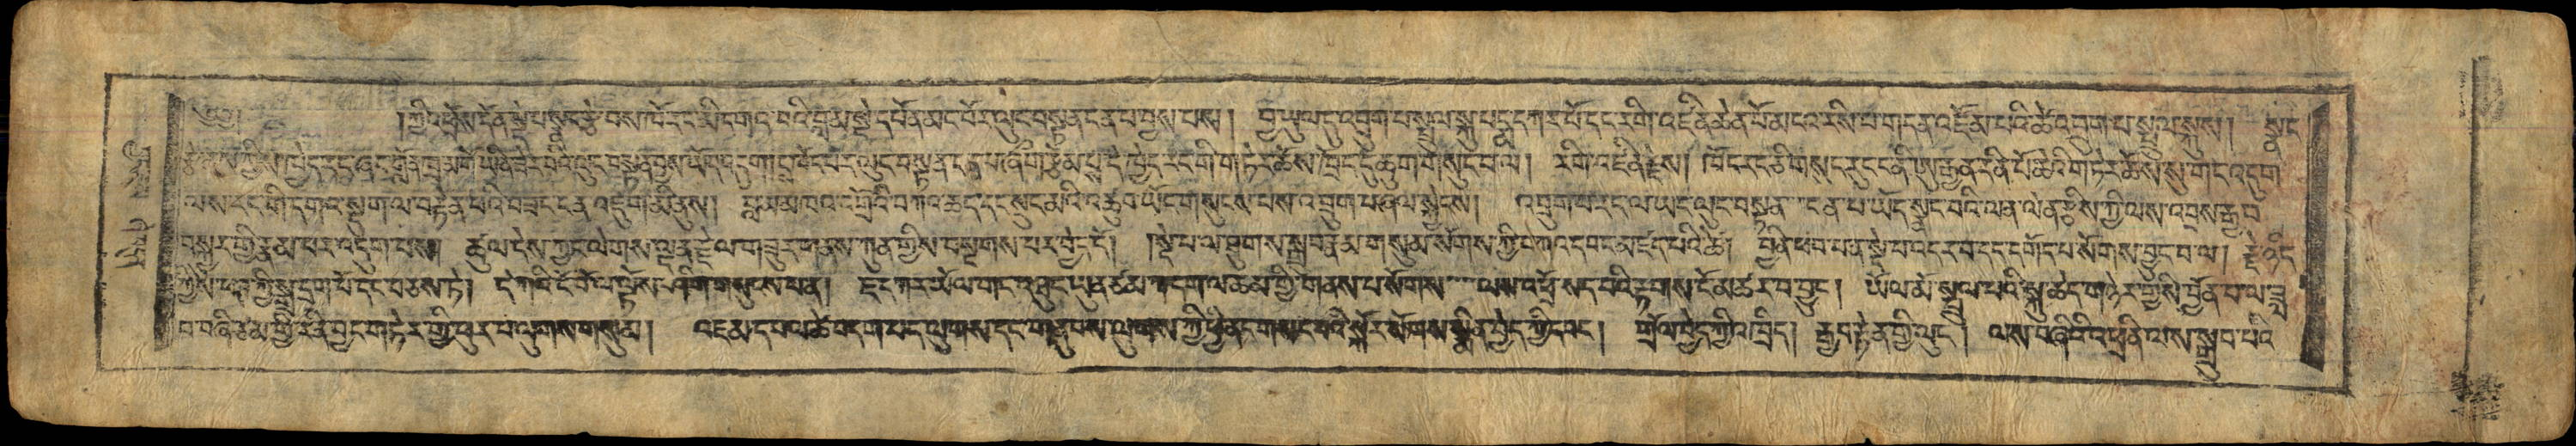༄༅། །ཀྱི་འཕྲོས་དོན་སྡེ་པ་སྣང་རྩེ་བས་ཁོ་རང་མི་དགའ་བའི་བླ་མ་སྡེ་དཔོན་མང་པོར་ལུང་བསྟན་ངན་པ་བྱས་པས། བྱ་ཡུལ་དུ་འབྲུག་པ་སྤྲུལ་སྐུ་པདམ་དཀར་པོ་དང་རིག་འཛིན་ཆེན་པོ་མངའ་རིས་པ་གདན་འཛོམ་པའི་ཚེ་འབྲུག་པ་སྤྲུལ་སྐུས། སྣང་
རྩེ་ནས་ཀྱིས་ཁྱེད་རང་ཞང་ཀློན་ཁྲ་མགོ་ཡིན་ཟེར་བའི་ལུང་བསྟན་བྱས་ཡོད་འདུག། ངས་ཁོང་པར་ལུང་བསྟན་ངན་པ་ཞྀག་རྩེམ་པས་དེ་ཁྱེད་རང་གི་གཏར་ཆོས་ཁྲོད་དུ་ཆུག་གསུང་པ་ལ། རིག་འཛིན་རྗེས། ཁོང་རང་ཅི་གསུང་རུང་ང་ནི་ཨུ་རྒྱན་རིན་པོ་ཆེའི་གཏེར་ཆོས་སུ་གང་འདུག་
ལས་རང་གི་དགའ་སྡུག་ལ་བརྟེན་པའི་བཟང་ངན་འཇུག་མི་ནུས། བླ་མ་མཁའ་འགྲོའི་བཀའ་ཆད་དང་སྲུང་མའི་འཚུབ་ཡོང་གསུངས་པས་འབྲུག་པ་ཞལ་སྐྱེངས། འབྲུག་པ་རང་ལ་ཡང་ལུང་བསྟན་ངན་པ་ཡོད་སྣང་བའི་ལན་ལེན་རྩིས་ཀྱི་ལས་འབྲས་རྒྱབ་
བསྐྱར་གྱི་རྣམ་པར་འདུག་པས། ཚུལ་དེས་ཀྱང་ལེགས་ལྡན་རྗེ་ལ་གཟུར་གནས་ཀུན་གྱིས་བསྔགས་པར་བྱེད་དོ། །སྡེ་པ་ལ་ཐུགས་སྒྲབ་རྣམ་གསུམ་སོགས་ཀྱི་བཀའ་དབང་མཛད་པའི་ཚེ། བྱིན་ཕབ་པ་ན་སྡེ་པ་འདར་བ་དང་དགོད་པ་སོགས་བྱུང་བ་ལ། རྗེ་ཉིད་
ཀྱིས་ཕཊ་ཀྱི་སྒྲ་དྲག་པོ་དང་བཅས་ཏེ། དེ་ཀའི་ངོ་བོ་ལ་ལྟོས་ཤིག་གསུངས་པ་ན། ཇ་དཀར་ཡོལ་གང་འཐུང་ཡུན་ཙམ་ཀ་དག་ལ་ཆམ་གྱི་གནས་པ་སོགས་ལས་འཕྲོ་སད་པའི་རྟགས་ངོ་མཚར་བ་བྱུང་། ཡོལ་མོ་སྤྲུལ་པའི་སྐུ་ཆེད་གཉེར་གྱིས་བྱོན་པ་ལ་ཟླ་
བ་བཞི་ཙམ་གྱི་རིན་བྱང་གཏེར་གྱི་ཕུར་བ་ལུགས་གསུམ། འཇམ་དཔལ་ཚེ་བདག་པད་ལུགས་དང་གནུབས་ལུགས་ཀྱི་ཕྱི་ནང་གསང་བའི་སྐོང་སོགས་སྨིན་བྱེད་ཀྱི་དབང་། གྲོལ་བྱེད་ཀྱི་འཁྲིད། རྒྱབ་རྟེན་གྱི་ལུང་། ལས་བཞིའི་འཕྲིན་ལས་སྒྲུབ་པའི་